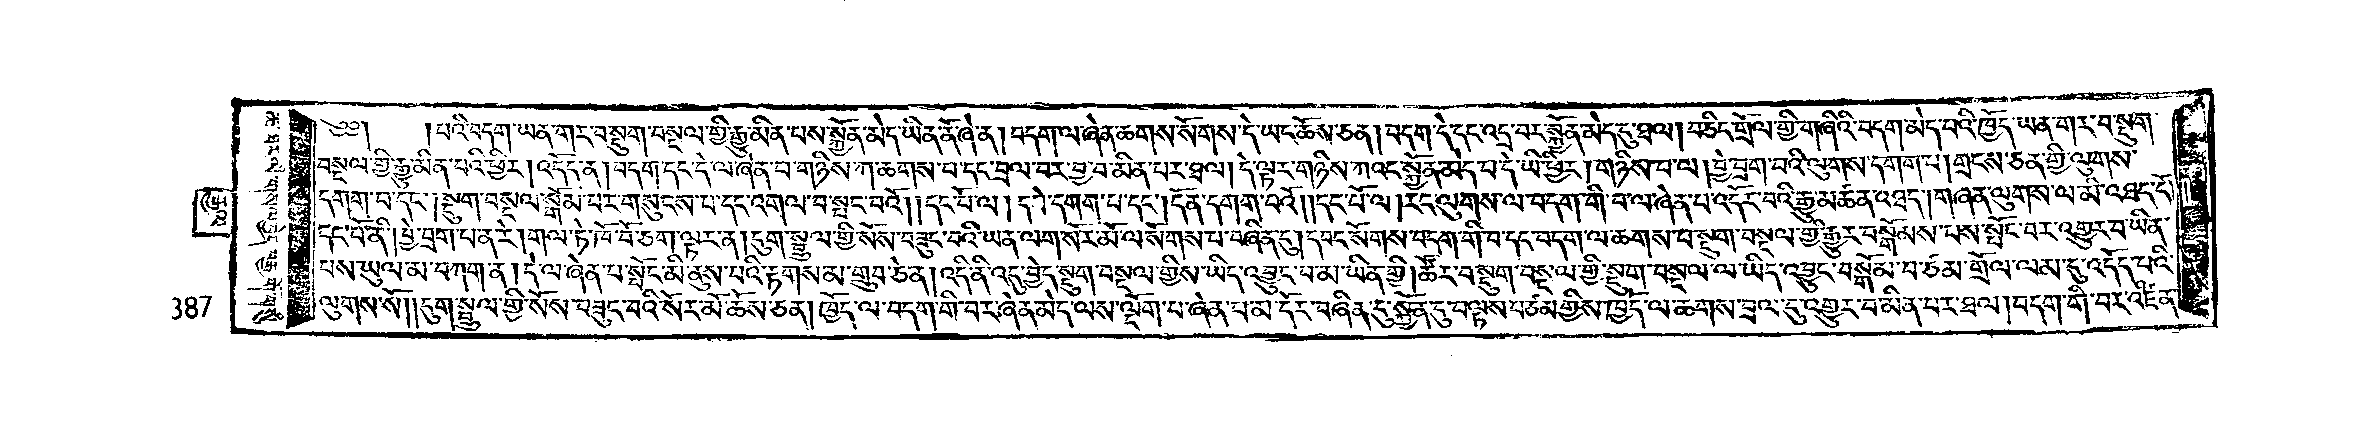༄༅། །པའི་བདག་ཡན་གར་བ་སྡུག་བསྔལ་གྱི་རྒྱུ་མིན་པས་སྐྱོན་མེད་ཡིན་ནོ་ཞེ་ན། བདག་ལ་ཞེན་ཆགས་སོགས་དེ་ཡང་ཆོས་ཅན། བདག་དེ་དང་འདྲ་བར་སྐྱོན་མེད་དུ་ཐལ། བཅིང་གྲོལ་གྱི་གཞིའི་བདག་མེད་པའི་ཁྱོད་ཡན་གར་བ་སྡུག་
བསྔལ་གྱི་རྒྱུ་མིན་པའི་ཕྱིར། འདོད་ན། བདག་དང་དེ་ལ་ཞེན་པ་གཉིས་ཀ་ཆགས་པ་དང་བྲལ་བར་བྱ་བ་མིན་པར་ཐལ། དེ་ལྟར་གཉིས་ཀའང་སྐྱོན་མེད་པ་དེ་ཡི་ཕྱིར། གཉིས་པ་ལ། བྱེ་བྲག་པའི་ལུགས་དགག་པ། གྲངས་ཅན་གྱི་ལུགས་
དགག་པ་དང་། སྡུག་བསྔལ་སྒོམ་པར་གསུངས་པ་དང་འགལ་བ་སྤང་བའོ། །དང་པོ་ལ། དཔེ་དགག་པ་དང་། དོན་དགག་པའོ། །དང་པོ་ལ། རང་ལུགས་ལ་བདག་གི་བ་ལ་ཞེན་པ་འདོར་བའི་རྒྱུ་མཚན་འཐད། གཞན་ལུགས་ལ་མི་འཐད་དོ།།
དང་པོ་ནི། བྱེ་བྲག་པ་ན་རེ། གལ་ཏེ་ཁོ་བོ་ཅག་ལྟར་ན། དུག་སྦྲུལ་གྱི་སོས་བཟུང་བའི་ཡན་ལག་སོར་མོ་ལ་སོགས་པ་བཞིན་དུ། དབང་སོགས་བདག་གི་བ་དང་བདག་ལ་ཆགས་པ་སྡུག་བསྔལ་གྱི་རྒྱུར་བསྒོམས་པས་སྤོང་བར་འགྱུར་བ་ཡིན་
པས་ཡུལ་མ་བཀག་ན། དེ་ལ་ཞེན་པ་སྤོང་མི་ནུས་པའི་རྟགས་མ་གྲུབ་ཅེ་ན། འདི་ནི་འདུ་བྱེད་སྡུག་བསྔལ་གྱིས་ཡིད་འབྱུང་བ་མ་ཡིན་གྱི། ཚོར་བ་སྡུག་བསྔལ་གྱི་སྡུག་བསྔལ་ལ་ཡིད་འབྱུང་བསྒོམ་པ་ཙམ་གྲོལ་ལམ་དུ་འདོད་པའི་
ལུགས་སོ། །དུག་སྦྲུལ་གྱི་སོས་བཟུང་བའི་སོར་མོ་ཆོས་ཅན། ཁྱོད་ལ་བདག་གི་བར་ཞེན་མེད་ལས་ལྡོག་པ་ཞེན་པ་མ་དོར་བཞིན་དུ་སྐྱོན་དུ་བལྟས་བ་ཙམ་གྱིས་ཁྱོད་ལ་ཆགས་བྲལ་དུ་འགྱུར་བ་མིན་པར་ཐལ། བདག་གི་བར་འཛིན་